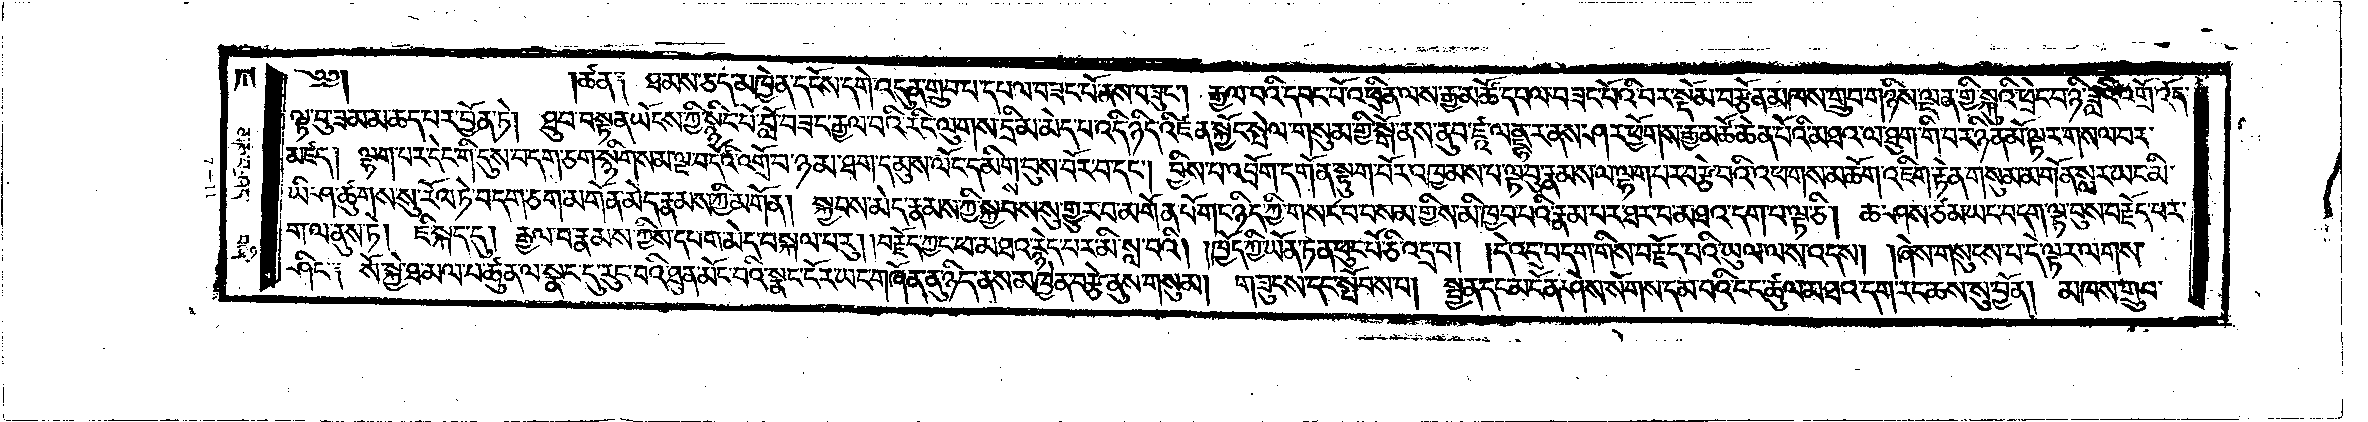༄༅། །ཚན༑ ཐམས་ཅད་མཁྱེན་དངོས་དགེ་འདུན་གྲུབ་པ་དཔལ་བཟང་པོ་ནས་བཟུང་། རྒྱལ་བའི་དབང་པོ་འཕྲིན་ལས་རྒྱ་མཚོ་དཔལ་བཟང་པོའི་བར་སྡོམ་བརྩོན་མཁས་གྲུབ་གཉིས་ལྡན་གྱི་སྐུའི་ཕྲེང་བ་ཉི་ཟླའི་འགྲོ་འོད་
ལྟ་བུ་ཟམ་མ་ཆད་པར་བྱོན་ཏེ། ཐུབ་བསྟན་ཡོངས་ཀྱི་སྙིང་པོ་བློ་བཟང་རྒྱལ་བའི་རིང་ལུགས་དྲི་མ་མེད་པ་འདི་ཉིད་འཛིན་སྐྱོང་སྤེལ་གསུམ་གྱི་སྒོ་ནས་ནུབ་ཛཱ་ལནྡྷར་ནས་ཤར་ཕྱོགས་རྒྱ་མཚོ་ཆེན་པོའི་མཐའ་ལ་ཐུག་གི་བར་ཉིན་མོ་ལྟར་གསལ་བར་
མཛད། ལྷག་པར་དེང་གི་དུས་བདག་ཅག་སྙིགས་མ་ལྔ་བདོའི་འགྲོ་བ་ཉམ་ཐག་དམུས་ལོང་དམིགས་བུས་བོར་བ་དང་། བྱིས་པ་འབྲོག་དགོན་སྟུག་པོར་འཁྱམས་པ་ལྟ་བུ་རྣམས་ལ་ལྷག་པར་བརྩེ་བའི་འཕགས་མཆོག་འཇིག་རྟེན་གསུམ་མགོན་སླར་ཡང་མི་
ཡི་ཤ་ཚུགས་སུ་རོལ་ཏེ་བདག་ཅག་མགོན་མེད་རྣམས་ཀྱི་མགོན། སྐྱབས་མེད་རྣམས་ཀྱི་སྐྱབས་སུ་གྱུར་བ་མགོན་པོ་གང་ཉིད་ཀྱི་གསང་བ་བསམ་གྱིས་མི་ཁྱབ་པའི་རྣམ་པར་ཐར་བ་མཐའ་དག་པ་ལྟ་ཅི། ཆ་ཤས་ཙམ་ཡང་བདག་ལྟ་བུས་བརྗོད་པར་
ག་ལ་ནུས་ཏེ། ཇི་སྐད་དུ། རྒྱལ་བ་རྣམས་ཀྱིས་དཔག་མེད་བསྐལ་པ་རུ། །བརྗོད་ཀྱང་ཕ་མཐའ་རྙེད་པར་མི་སླ་བའི། །ཁྱོད་ཀྱི་ཡོན་ཏན་ཕུང་པོ་ཅི་འདྲ་བ། །དེ་འདྲ་བདག་གིས་བརྗོད་པའི་ཡུལ་ལས་འདས། །ཞེས་གསུངས་པ་དེ་ལྟར་ལགས་
ཤིང༑ སོ་སྐྱེ་ཐ་མལ་པ་ཚུན་ལ་སྣང་དུ་རུང་བའི་ཐུན་མོང་བའི་སྣང་ངོར་ཡང་གཞོན་ནུ་ཉིད་ནས་མཁྱེན་བརྩེ་ནུས་གསུམ། གཟུངས་དང་སྦོབས་པ། སྤྱན་དང་མངོན་ཤེས་སོགས་དམ་པའི་ངང་ཚུལ་མཐའ་དག་རང་ཆས་སུ་བྱོན། མཁས་གྲུབ་